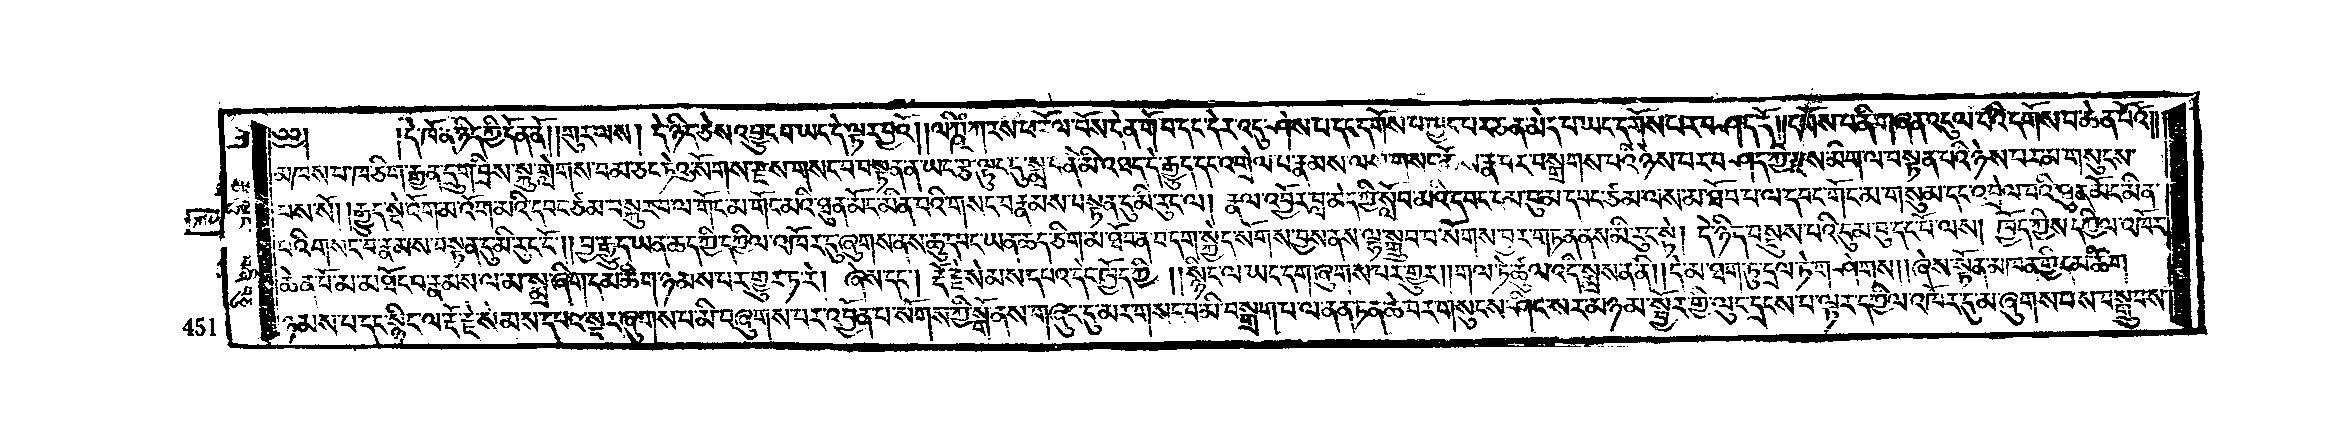༄༅། །དེ་ཁོ་ན་ཉིད་ཀྱི་དོན་ནོ། །གུར་ལས། དེ་ཉིད་ཅེས་འབྱུང་བ་ཡང་དེ་ལྟར་བྱའོ། །ལིཀྵིཾ་ཀ་རས་ཕ་རོལ་པོས་དོན་གོ་བ་དང་དེར་འདུ་ཤེས་པ་དང་དགོས་པ་ཁྱད་པར་ཅན་མེད་པ་ཡང་དགོས་པར་བཤད་དོ། །དགོས་པ་ནི་གཞན་འདུལ་བའི་དགོས་པ་ཆེན་པོའོ།།
མཁས་པ་ཁ་ཅིག་རྒྱན་དྲུག་བྲིས་སྐུ་གླེགས་བམ་ཅང་ཏེའུ་སོགས་རྫས་གསང་བ་བསྟན་ན་ཡང་རྩ་ལྟུང་དུ་སྨྲ་བ་ནི་མི་འཐད་དེ་རྒྱུད་དང་འགྲེལ་པ་རྣམས་ལས་གསང་ཆོས་རྣ་བར་བསྒྲགས་པའི་ཉེས་པར་བཤད་ཀྱི་རྫས་མིག་ལ་བསྟན་པའི་ཉེས་པར་མ་གསུངས་
པས་སོ། །རྒྱུད་སྡེ་འོག་མ་འོག་མའི་དབང་ཙམ་བསྐུར་བ་ལ་གོང་མ་གོང་མའི་ཐུན་མོང་མིན་པའི་གསང་བ་རྣམས་བསྟན་དུ་མི་རུང་ལ། རྣལ་འབྱོར་བླ་མེད་ཀྱི་སློབ་མའི་དབང་ངམ་བུམ་དཔང་ཙམ་ལས་མ་ཐོབ་པ་ལ་དབང་གོང་མ་གསུམ་དང་འབྲེལ་པའི་ཐུན་མོང་མིན་
པའི་གསང་བ་རྣམས་བསྟན་དུ་མི་རུང་ངོ། །བྱ་རྒྱུད་ཡན་ཆད་ཀྱི་དཀྱིལ་འཁོར་དུ་ཞུགས་ནས་ཆུ་དབང་ཡན་ཆད་ཅིག་མ་ཐོབ་ན་བདག་སྐྱེད་སོགས་བྱས་ནས་ལྷ་སྒྲུབ་པ་སོགས་བྱར་གཏན་ནས་མི་རུང་སྟེ། དེ་ཉིད་བསྡུས་པའི་དུམ་བུ་དང་པོ་ལས། ཁྱོད་ཀྱིས་དཀྱིལ་འཁོར་
ཆེན་པོ་མ་མཐོང་བ་རྣམས་ལ་མ་སྨྲ་ཞིག་དམ་ཚིག་ཉམས་པར་གྱུར་ཏ་རེ། ཞེས་དང་། རྡོ་རྗེ་སེམས་དཔའ་དེང་ཁྱོད་ཀྱི། །སྙིང་ལ་ཡང་དག་ཞུགས་པར་གྱུར། །གལ་ཏེ་ཚུལ་འདི་སྨྲས་ན་ནི། །དེ་མ་ཐག་ཏུ་དྲལ་ཏེ་གཤེགས། །ཞེས་སྟོན་མཁན་གྱི་དམ་ཚིག་
ཉམས་པ་དང་སྙིང་ལ་རྡོ་རྗེ་སེམས་དཔའ་སྔར་ཞུགས་པ་མི་བཞུགས་པར་འབྱོན་པ་སོགས་ཀྱི་སྒོ་ནས་གཞུང་དུ་མར་གསང་བ་མི་བསྒྲག་པ་ལ་ནན་ཏན་ཆེ་བར་གསུངས་ཤིང་སར་མཉམ་སྦྱོར་གྱི་ལུང་དྲངས་པ་ལྟར་དཀྱིལ་འཁོར་དུ་མ་ཞུགས་པས་བསྒྲུབས་